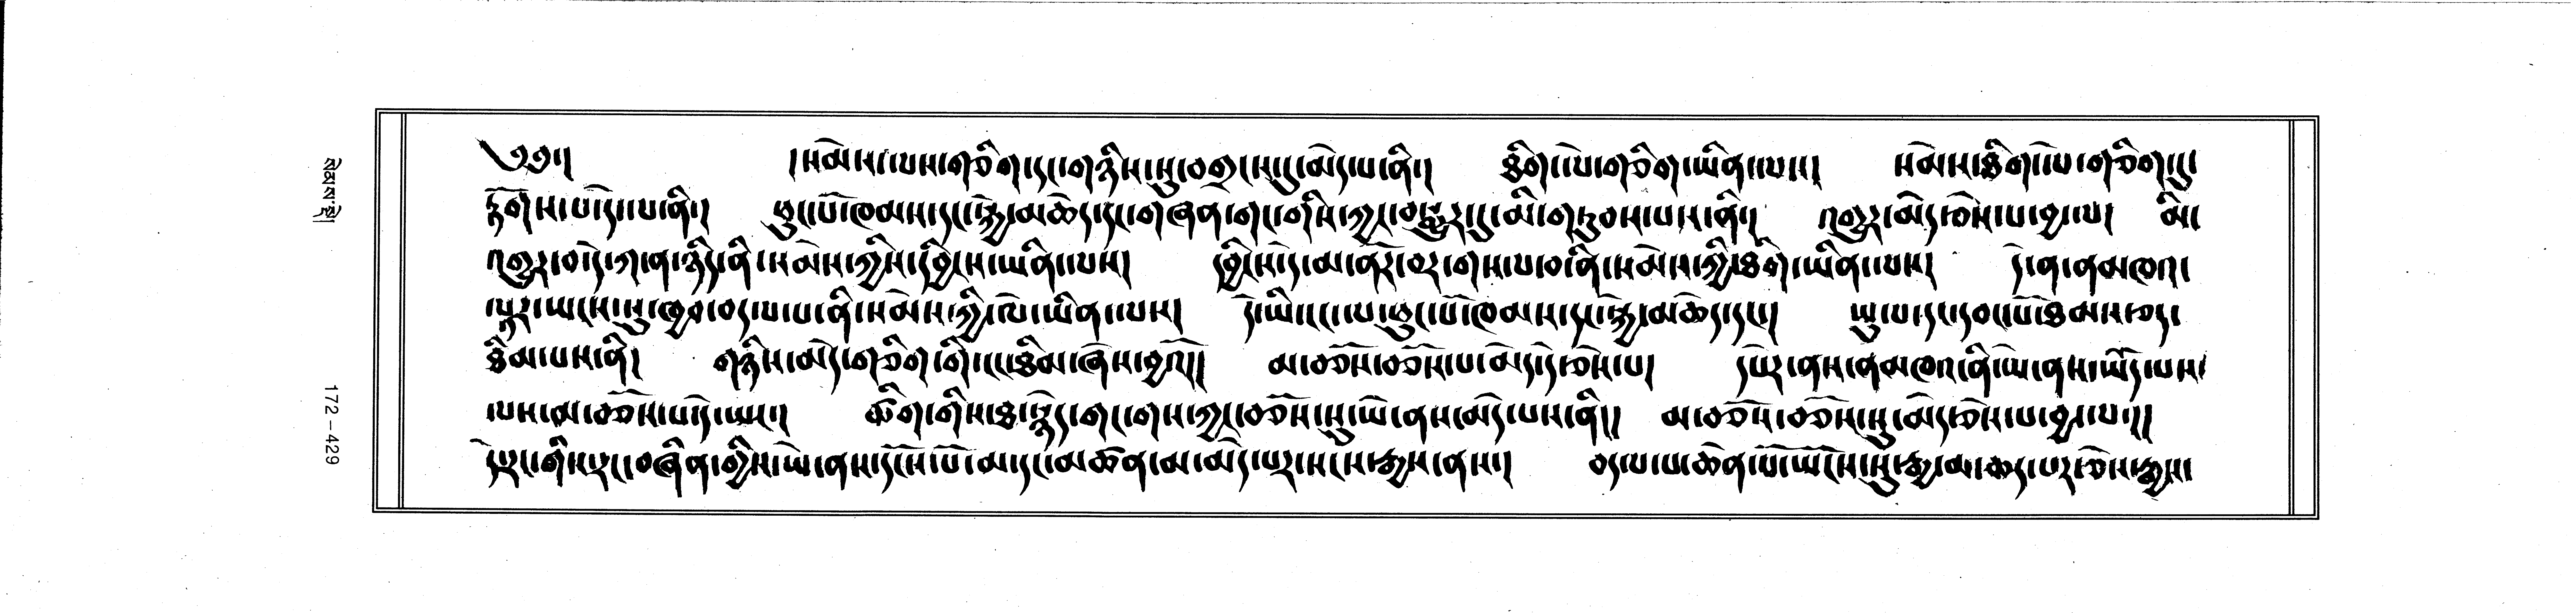སེམས་ལས་གཅིག་དང་གཉིས་སུ་བགྲངས་དུ་མེད་པ་ནི། ཐིག་ལེ་གཅིག་ཡིན་ལས། སེམས་ཐིག་ལེ་གཅིག་དུ་
རྟོགས་པ་དེ་ལ་ནི། ཕུང་པོ་ཁམས་དང་སྐྱེ་མཆེད་དང་གཞན་གང་གིས་ཀྱང་བརྒྱུར་དུ་མི་གཏུབས་པས་ནི། འགྱུར་མེད་ཅེས་བྱ་ལ། མི་
འགྱུར་བ་དེ་ཀ་ན་ཉིད་ནི་སེམས་ཀྱིས་དབྱིངས་ཡིན་ལས། དབྱིངས་དེ་མ་ནོར་བར་གསལ་བ་ནི་སེམས་ཀྱི་ཐིག་ཡིན་ལས། དེ་ན་ནམ་མཁའ་
ལྟར་ཡོངས་སུ་ཁྱབ་བདལ་པ་ནི་སེམས་ཀྱི་ལེ་ཡིན་ལས། དེ་ཡི་ངང་ལ་ཕུང་པོ་ཁམས་དང་སྐྱེ་མཆེད་དང་། ཡུལ་དང་དབང་པོ་ཐམས་ཅད་
ཐིམ་པས་ནི། གཉིས་མེད་གཅིག་གི་ངང་ཐིམ་ཞེས་བྱའོ། མ་བཅོས་བཅོས་པ་མེད་དེ་ཅེས་པ། དཔེར་ནས་ནམ་མཁའ་ནི་ཡེ་ནས་ཡོད་པས་
ལས་མ་བཅོས་པ་དེ་ཡང་། ཚིག་གིས་ཐ་སྙད་གང་གིས་ཀྱང་བཅོས་སུ་ཡེ་ནས་མེད་པས་ནི། མ་བཅོས་བཅོས་སུ་མེད་ཅེས་བྱ་ལ། 
དེ་རང་གི་རང་བཞིན་གྱིས་ཡེ་ནས་དངོས་པོ་མ་དང་མཚན་མ་མེད་པར་སངས་རྒྱས་ནས། བདལ་པ་ཆེན་པོ་ཡོངས་སུ་རྒྱ་མ་ཆད་པར་ཅེས་རྒྱས་